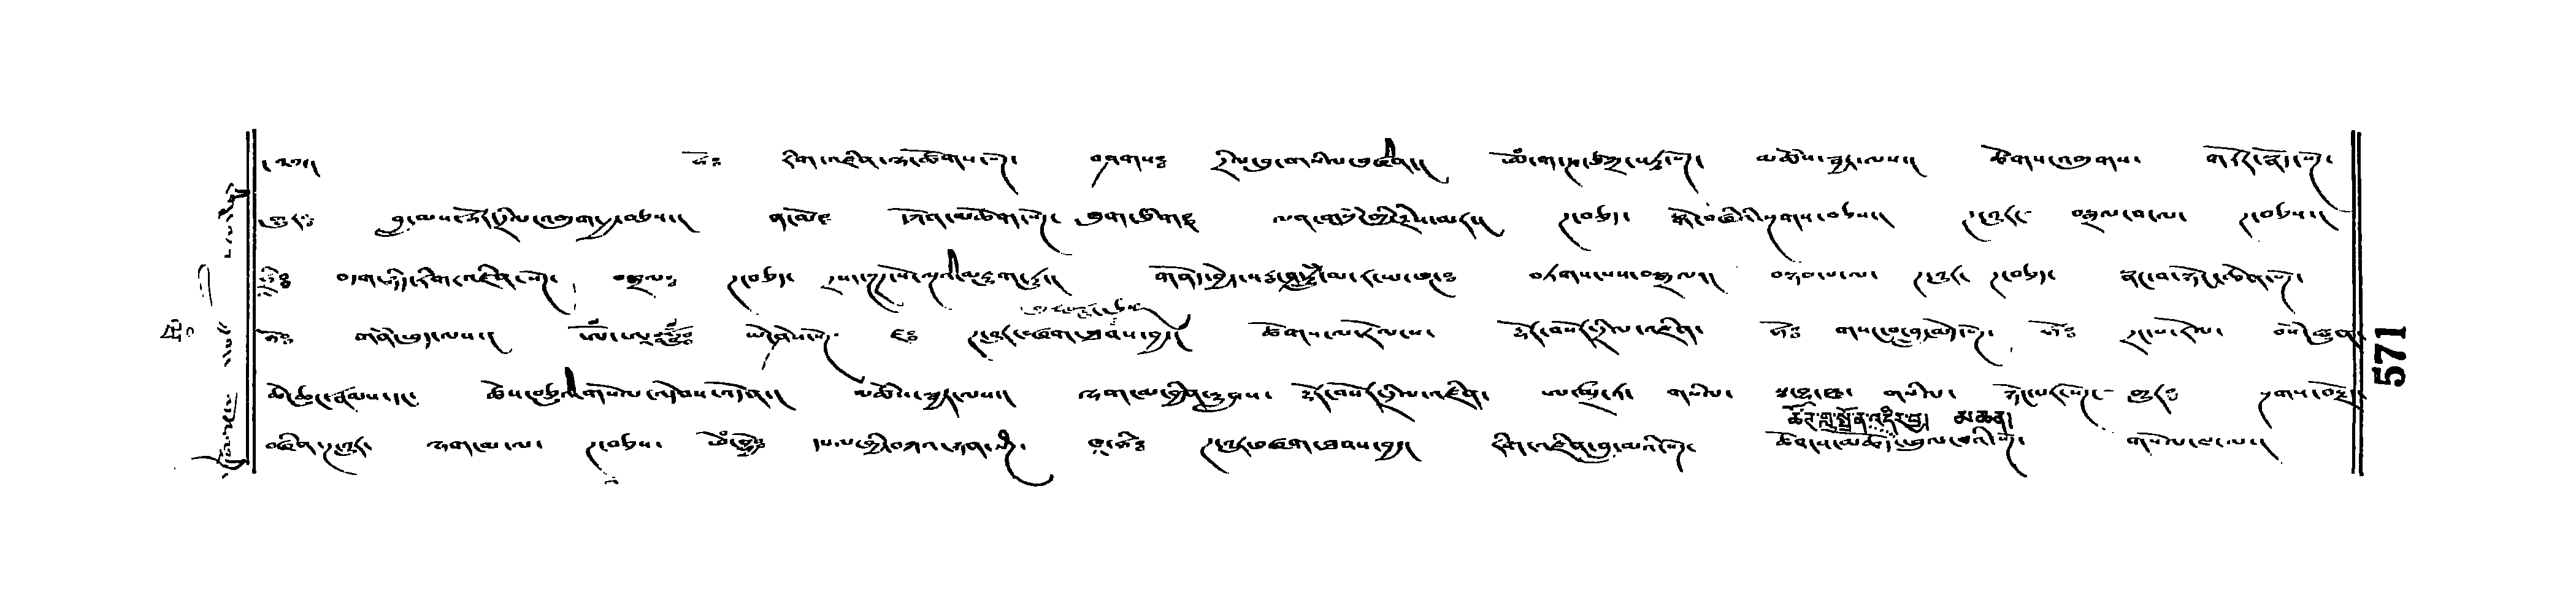ཧོཿ རིག་འཛིན་ལྷ་ཚོགས་སོགས། བཤགས༔ དྲིལ་བུ་གསིལ་བཞིན། ཨོཾ་ག་ཎ་ཙཀྲ་སཏྭ་སོགས། མཚམས་སྦྱར་ལས། ཚོགས་འགུགས། གཏོར་སྣོད་སོགས། 
གྱུརཿ བླ་མས་རྡོར་དྲིལ་འགུགས་རྒྱ་བཅས། ན་མོཿ དཀོན་མཆོག་སོགས། ཁུག་ཅིགཿ ལན་གསུམ་གྱི་རྗེས་མར། ཌཱ་བཅད། སྒོ་བཞིའི་སྔགས་བཅས། ཌཱ་འུར། བསྒྲལ་བ་ལ། ཌཱ་བཅས། 
ཧྲཱིཿ བདག་ཉིད་རིག་འཛིན་སོགས། བསྒྲལཿ ཌཱ་བཅད། དྲག་སྔགས་སོ་ལྔའི་མཇུག་ཏུ། གནོད་བྱེད་སརྦ་ཤ་ཏྲུམ་མ་ར་ཡ་ཕཊཿ བཏགས་པས་བསྒྲལ། བསྟབ་པ་ལ། ཌཱ་འུར། ཌཱ་བཅད། སྣང་བ་སྟོང་ཆེན་སོགས་། 
ཧོཿ གནམ་ཕུད་ལས། ཨོཾ་ཨཱཿཧཱུྃཿ ཡེ་ཤེས་སོགས། ཛཿ ཌཱ་འུར་བཞག་ཐབས་བྱ། ཚོགས་ལ་རོལ་པ། རྡོར་བསོར་དྲིལ་འཛིན། ཧོཿ གསང་བ་བླ་མེད་སོགས། ཧོཿ དྲང་པ་རོལ། བསམ་ལྷུན་
ཆེ་ཆུང་རྣམས་དང་། ཚེས་བཅུའི་གསོལ་འདེབས་འདོན། མཚམས་སྦྱར་ལས། ལྷག་མ་བྱིན་རླབས། རྡོར་བསོར་དྲིལ་འཛིན། ཨ་མྲྀ་ཏ་གསིལ། སྭ་བྷ་ཝ་གསིལ། སྟོང་པར་སོགས། པ་གྱུརཿ སྔགས་བརྗོད་
བཞིན་ཌཱ་འུར། ལྷག་མ་ལ། ཌཱ་བཅས། ཕེཾ་བྷྱོཿ དཔལ་གྱི་བཀའ་ཉན་སོགས། ཁཱ་ཧིཿ ཌཱ་འུར་བཞག་ཐབས་བྱ། རིག་འཛིན་བླ་མའི་སོགས། ཆོགས་མཆོད་ཕུལ་བའི་སོགས། གསོལ་ཁ་ལ།